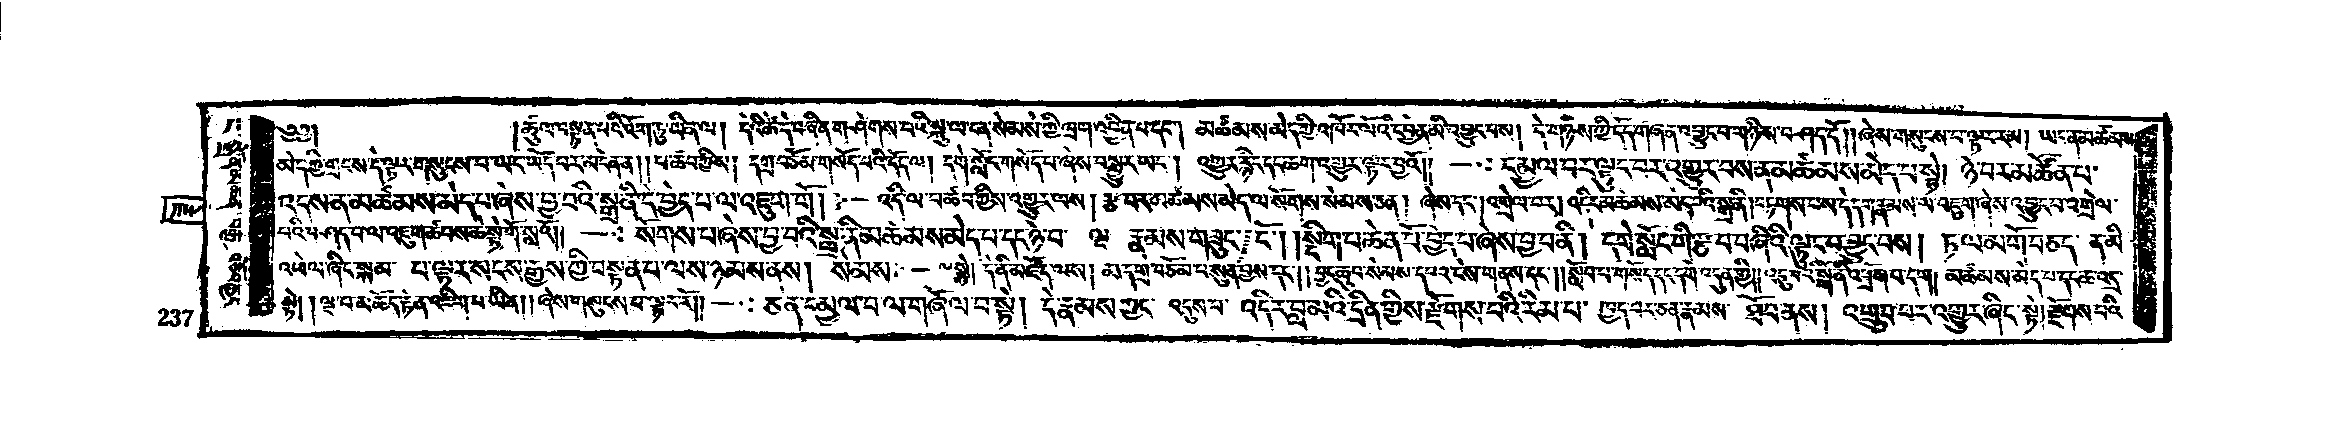༄༅། །ཚུལ་བསྟན་པའི་འོག་ཏུ་ཡིན་ལ། དེའི་ཚེ་དེ་བཞིན་གཤེགས་པའི་སྐུ་ལ་ངན་སེམས་ཀྱི་ཁྲག་འབྱིན་པ་དང་། མཚམས་མེད་ཀྱི་འཁོར་ལོའི་དབྱེན་མི་འབྱུང་བས། དེ་གཉིས་ཀྱི་དོད་གཞན་འབྱུང་བ་གཉིས་བཤད་དོ། །ཞེས་གསུངས་པ་ལྟར་རམ། ཡང་ན་མཚམས་
མེད་ཀྱི་གྲངས་དེ་ལྟར་གསུངས་པ་ཡང་ཡོད་པར་མངོན་ན། །པ་ཚབ་ཀྱིས། དགྲ་བཅོམ་གསོད་པའི་དོད་ལ། དགེ་སློང་གསོད་པ་ཞེས་བསྒྱུར་ཡང་། འགྱུར་རྙིང་དང་ཆག་འགྱུར་ལྟར་བྱའོ།། .H དམྱལ་བར་ལྟུང་བར་འགྱུར་བས་ན་མཚམས་མེད་པ་སྟེ། ཉེ་བར་མཚོན་པ་
འདས་ན་མཚམས་མེད་པ་ཞེས་བྱ་བའི་སྒྲ་ནི་དེ་བྱེད་པ་ལ་འཇུག་གོ །H.་འདི་ལ་བ་ཚབ་ཀྱིས་འགྱུར་ལས། རྩ་བར་མཚམས་མེད་ལ་སོགས་སེམས་ཅན། ཞེས་དང་། འགྲེལ་པར། འདིར་མཚམས་མེད་པའི་སྒྲ་ནི། བཏགས་པས་དེ་དག་རྣམས་ལ་འཇུག་ཞེས་འབྱུང་བ་འགྲེལ་
པའི་བཤད་པ་ལ་འཇུག་ཚབས་ཆེ་སྟེ་གོ་སླའོ།། .H སོགས་པ་ཞེས་བྱ་བའི་སྒྲ་ནི་མཚམས་མེད་པ་དང་ཉེ་བ་ལྔ་རྣམས་གཟུང་ངོ། །སྡིག་པ་ཆེན་པོ་བྱེད་པ་ཞེས་བྱ་བ་ནི། དགེ་སློང་གི་རྩ་བ་བཞིའི་ལྟུང་བ་བྱུང་བས། ཏ་ལ་མགོ་བཅད་ན་མི་
འཕེལ་ཞིང་སྐམ་པ་ལྟར་སངས་རྒྱས་ཀྱི་བསྟན་པ་ལས་ཉམས་ནས། སེམསཿ་༧་སྟེ། དེ་ནི་མཛོད་ལས། མ་དགྲ་བཅོམ་པ་སུན་བྱས་དང་། །བྱང་ཆུབ་སེམས་དཔའ་ངེས་གནས་དང་། །སློབ་པ་གསོད་དང་དགེ་འདུན་གྱི། །འདུ་བའི་སྒོ་ནི་འཕྲོག་པ་དག །མཚམས་མེད་པ་དང་ཆ་འདྲ་
སྟེ། །ལྔ་པ་མཆོད་རྟེན་འཇིག་པ་ཡིན། །ཞེས་གསུངས་པ་ལྟར་རོ།། .H ཅན་དམྱལ་བ་ལ་གཞོལ་བ་སྟེ། དེ་རྣམས་ཀྱང་འདུས་པ་འདིར་བླ་མའི་དྲིན་གྱིས་རྫོགས་པའི་རིམ་པ་ཁྱད་པར་ཅན་རྣམས་ཐོབ་ནས། འགྲུབ་པར་འགྱུར་ཞིང་སྟེ། རྫོགས་པའི་